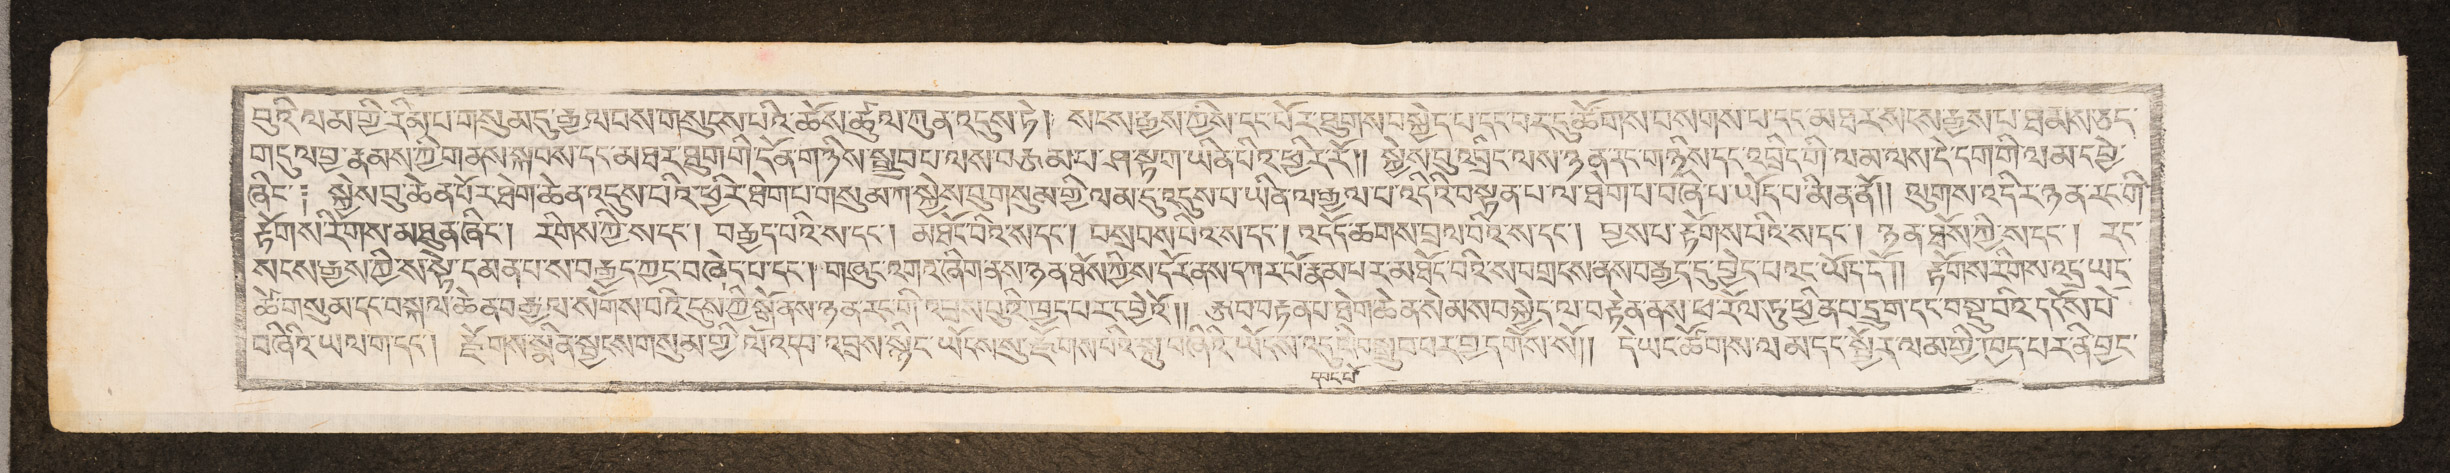བུའི་ལམ་གྱི་རིམ་པ་གསུམ་དུ་རྒྱལ་བས་གསུངས་པའི་ཆོས་ཚུལ་ཀུན་འདུས་ཏེ། སངས་རྒྱས་ཀྱིས་དང་པོར་ཐུགས་བསྐྱེད་པ་དང་བར་དུ་ཚོགས་བསགས་པ་དང་མཐར་སངས་རྒྱས་པ་ཐམས་ཅད་
གདུལ་བྱ་རྣམས་ཀྱི་གནས་སྐབས་དང་མཐར་ཐུག་གི་དོན་གཉིས་སྒྲུབ་པ་ལས་བརྩམ་པ་ཤ་སྟག་ཡིན་པའི་ཕྱིར་རོ།། སྐྱེས་བུ་འབྲིང་ལས་ཉན་རང་གཉིས་དང་འབྲིང་གི་ལམ་ལས་དེ་དག་གི་ལམ་དབྱེ་
ཞིང༑ སྐྱེས་བུ་ཆེན་པོར་ཐེག་ཆེན་འདུས་པའི་ཕྱིར་ཐེག་པ་གསུམ་ཀ་སྐྱེས་བུ་གསུམ་གྱི་ལམ་དུ་འདུས་པ་ཡིན་ལ་རྒྱལ་པ་འདིའི་བསྟན་པ་ལ་ཐེག་པ་བཞི་པ་ཡོད་པ་མིན་ནོ།། ལུགས་འདིར་ཉན་རང་གི་
རྟོགས་རིགས་མཐུན་ཞིང་། རིགས་ཀྱི་ས་དང་། བརྒྱད་པའི་ས་དང་། མཐོང་བའི་ས་དང་། བསྲབས་པའི་ས་དང་། འདོད་ཆགས་བྲལ་བའི་ས་དང་། བྱས་པ་རྟོགས་པའི་ས་དང་། ཉན་ཐོས་ཀྱི་ས་དང་། རང་
སངས་རྒྱས་ཀྱི་ས་སྟེ་དམན་པ་ས་བརྒྱད་ཀྱང་བཞེད་པ་དང་། གཞུང་འགའ་ཞིག་ནས་ཉན་ཐོས་ཀྱི་ས་དོར་ནས་དཀར་པོ་རྣམ་པར་མཐོང་བའི་ས་བགྲངས་ནས་བརྒྱད་དུ་བྱེད་པའང་ཡོད་དོ།། རྟོགས་རིགས་འདྲ་ཡང་
ཚེ་གསུམ་དང་བསྐལ་ཆེན་བརྒྱ་ལ་སོགས་པའི་དུས་ཀྱི་སྒོ་ནས་ཉན་རང་གི་འབྲས་བུའི་ཁྱད་པར་དབྱེའོ།། རྩ་བ་བརྟན་པ་ཐེག་ཆེན་སེམས་བསྐྱེད་ལ་བརྟེན་ནས་ཕ་རོལ་ཏུ་ཕྱིན་པ་དྲུག་དང་བསྡུ་བའི་དངོས་པོ་
བཞིའི་ཡལ་ག་དང་། རྫོགས་སྨིན་སྦྱངས་གསུམ་གྱི་ལོ་འདབ་འབྲས་སྙིང་ཡོངས་སུ་རྫོགས་པའི་སྐུ་བཞིའི་ཡོངས་འདུའི་དབང་པོ་བསྒྲུབ་པར་བྱ་དགོས་སོ།། དེ་ཡང་ཚོགས་ལམ་དང་སྦྱོར་ལམ་གྱི་ཁྱད་པར་ནི་བྱང་